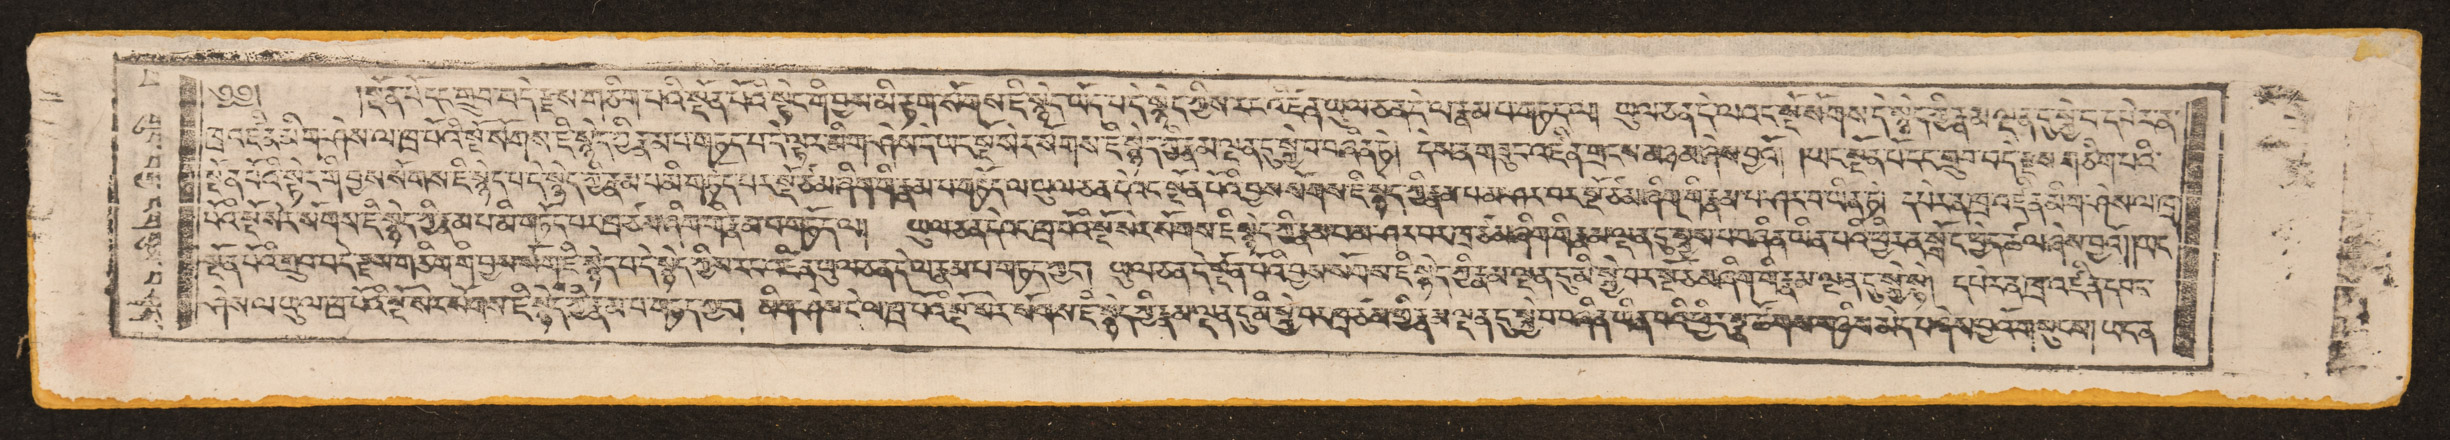༄༅། །སྔོན་པོ་དང་གྲུབ་བདེ་རྫས་གཅིག་པའི་སྔོན་པོའི་སྟེང་གི་བྱས་མི་རྟག་སོགས་ཇི་སྙེད་ཡོད་པ་དེ་སྙེད་ཀྱིས་རང་འཛིན་ཡུལ་ཅན་དེ་ལ་རྣམ་པ་གཏད་ལ། ཡུལ་ཅན་དེ་ལའང་སྔོ་སོགས་དེ་སྙེད་ཀྱི་རྣམ་ལྡན་དུ་སྐྱེ་བ་དཔེར་ན་
ཁྲ་འཛིན་མིག་ཤེས་ལ་ཁྲ་བོའི་སྔོ་སོགས་ཇི་སྙེད་ཀྱི་རྣམ་པ་གཏད་པ་དེ་ལྟར་མིག་ཤེས་དེ་ཡང་སྔོ་སེར་སོགས་ཇི་སྙེད་ཀྱི་རྣམ་ལྡན་དུ་སྐྱེ་བ་བཞིན་ཏེ། དེས་ན་གཟུང་འཛིན་གྲངས་མཉམ་ཞེས་བྱའོ། །ཡང་སྔོན་པོ་དང་གྲུབ་བདེ་རྫས་གཅིག་པའི་
སྔོན་པོའི་སྟེང་གི་བྱས་སོགས་ཇི་སྙེད་པ་དེ་སྙེད་ཀྱི་རྣམ་པ་མི་གཏོད་བར་སྔོ་ཙམ་ཞིག་གི་རྣམ་པ་གཏོད་ལ་ཡུལ་ཅན་དེའང་སྔོན་པོའི་བྱས་སོགས་ཇི་སྙེད་ཀྱི་རྣམ་པ་མ་ཤར་བར་སྔོ་ཙམ་ཞིག་གི་རྣམ་པ་ཤར་བ་ཡིན་ཏེ། དཔེར་ན་ཁྲ་འཛིན་མིག་ཤེས་ལ་ཁྲ་
པོའི་སྔོ་སེར་སོགས་ཇི་སྙེད་ཀྱི་རྣམ་པ་མི་གཏད་པར་ཁྲ་ཙམ་ཞིག་གི་རྣམ་པ་གཏོད་ལ། ཡུལ་ཅན་དེའང་ཁྲ་པོའི་སྔོ་སེར་སོགས་ཇི་སྙེད་ཀྱི་རྣམ་པ་མ་ཤར་བར་ཁྲ་ཙམ་ཞིག་གི་རྣམ་ལྡན་དུ་སྐྱེས་པ་བཞིན་ཡིན་པའི་ཕྱིར་ན་སྒོ་ང་ཕྱེད་ཚལ་ཞེས་བྱའོ། ཡང་
སྔོན་པོའི་གྲུབ་བདེ་རྫས་གཅིག་གི་བྱས་སོག་ཇི་སྙེད་པ་དེ་སྙེད་ཀྱིས་རབ་འཛིན་ཡུལ་ཅན་དེ་ལ་རྣམ་པ་གཏད་ཀྱང་། ཡུལ་ཅན་དེ་སྔོན་པོའི་བྱས་སོགས་ཇི་སྙེད་ཀྱི་རྣམ་ལྡན་དུ་མི་སྐྱེ་བར་སྔོ་ཙམ་ཞིག་གི་རྣམ་ལྡན་དུ་སྐྱེ་སྟེ། དཔེར་ན་ཁྲ་འཛིན་དབང་
ཤེས་ལ་ཡུལ་ཁྲ་པོའི་སྔོ་སེར་སོགས་ཇི་སྙེད་ཀྱི་རྣམ་པ་གཏད་ཀྱང་། མིག་ཤེས་དེ་ལ་ཁྲ་པོའི་སྔོ་སེར་སོགས་ཇི་སྙེད་ཀྱི་རྣམ་ལྡན་དུ་མི་སྐྱེ་བར་ཁྲ་ཙམ་གྱི་རྣམ་ལྡན་དུ་སྐྱེ་བ་བཞིན་ཡིན་པའི་ཕྱིར་སྣ་ཚོགས་གཉིས་མེད་པ་ཞེས་བྱའོ་གསུངས། ཡང་ན་